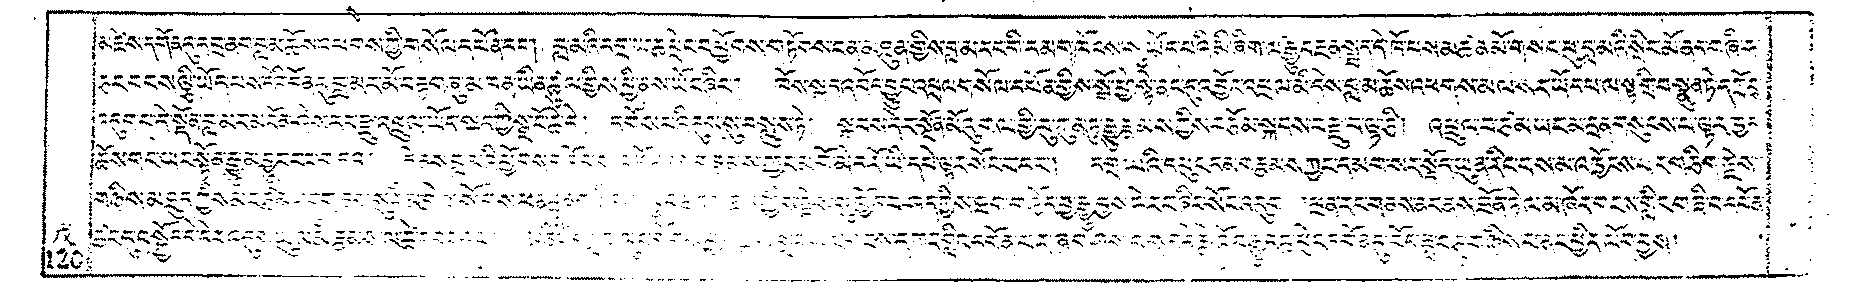མཛེས་དགོན་དུ་དབྲ་ནག་བླ་མ་ཆོས་འཕགས་ཀྱི་གསོལ་དཔོན་དང་། བླ་མའི་དགྲ་ཡ་ཆ་ཕྲེང་བ་ཕྱོགས་གཏོགས་ངན་མཐུན་གྱིས་བླ་མ་རང་གི་དམག་ཁོངས་སུ་ཡོད་པའི་མི་ཞིག་ལ་རྒྱུ་བརྔན་སྤྲད་དེ་ཁོ་པས་མཚན་མོ་གསང་ཕུ་བླ་མའི་སྲིང་མོ་ནད་གཞི་ཧ་
ཅང་བབས་ལྕི་ཡོད་པས་དེའི་དོན་དུ་བླ་མར་མོ་བརྟག་ཞུ་མཁན་ཡིན་ཚུལ་གྱིས་ཕྱི་ནས་ཡོང་ཞིང་། ཁོས་སྐད་འབོད་བྱུང་འཕྲལ་གསོལ་དཔོན་གྱིས་སྒོ་ཕྱེ་སྟེ་ནང་དུ་འབྱོར་འཕྲལ་མི་དེས་བླ་མ་ཆོས་འཕགས་མལ་སར་ཡོད་པ་ལ་སྟ་གྲི་བསྣུན་ཏེ་དཀྲོངས་
འདུག་པ་དེ་སྔོན་བླ་མར་མངོན་ཤེས་དང་རྫུ་འཕྲུལ་ཡོད་སྐད་ཀྱི་སྒྲ་བོ་ཆེ་དེ། དགོས་པའི་དུས་སུ་བསླུས་ཏེ། སྐབས་དེར་སྔོན་མོའུ་གལ་གྱི་བུ་ཀུན་ཏུ་རྒྱུ་རྣམས་ཀྱིས་བཅོམ་སྐབས་བརྫུ་བ་ལྟ་ཅི། འཕྲུལ་བ་ཙམ་ཡང་མ་དྲན་གསུངས་པ་ལྟར་ཁྱད་
ཆོས་གང་ཡང་སྟོན་རྒྱུ་མ་བྱུང་བར་གདའ། དེ་ནས་བླ་མའི་ཕྱོགས་གཏོགས་འཁོར་དམག་རྣམས་ཀྱང་མགོ་མེད་རོ་ཡི་དཔེ་ལྟར་སོང་བ་དང་། དགྲ་ཡའི་དཔུང་དམག་རྣམས་ཀྱང་དམག་སར་སྡོད་ཡུན་རིང་བས་མ་འཁྱོངས་པར་གཅིག་རྗེས་
གཉིས་མཐུད་ཀྱིས་མང་ཙམ་རང་གནས་སུ་རིམ་གྱེས་སོགས་ཕན་ཚུན་གཉིས་ཀ་བྱ་བ་ཐབས་ཟད་ཀྱིས་རྗེས་སུ་གྱོད་བཤད་ཀྱིས་ཐག་གཅོད་བྱ་རྒྱུ་བྱས་ཏེ་རང་ཞིར་སོང་འདུག །ཕྲན་རང་གནས་ནང་ནས་ཐོན་ཏེ་ལམ་ཞོར་གངས་གླིང་གཟི་བ་དཔོན་
ཚང་དུ་བསྐྱོད་དེ་དེར་འདུས་ཡུལ་མི་རྣམས་ལ་ཚེ་དབང་དང་། མ་ཎིའི་བཀླག་ལུང་སོགས་བྱས་རྗེས་སླར་ཡང་གངས་དཀར་གླིང་དགོན་པར་ཞག་ཤས་བསྡད་དེ་རྨེའོ་བརྒྱུད་ཆ་ཕྲེང་དགོན་དུ་བོད་ཟླ་བཅུ་གཉིས་པ་ནང་ཕྱིར་ལོགས་བྱས། །